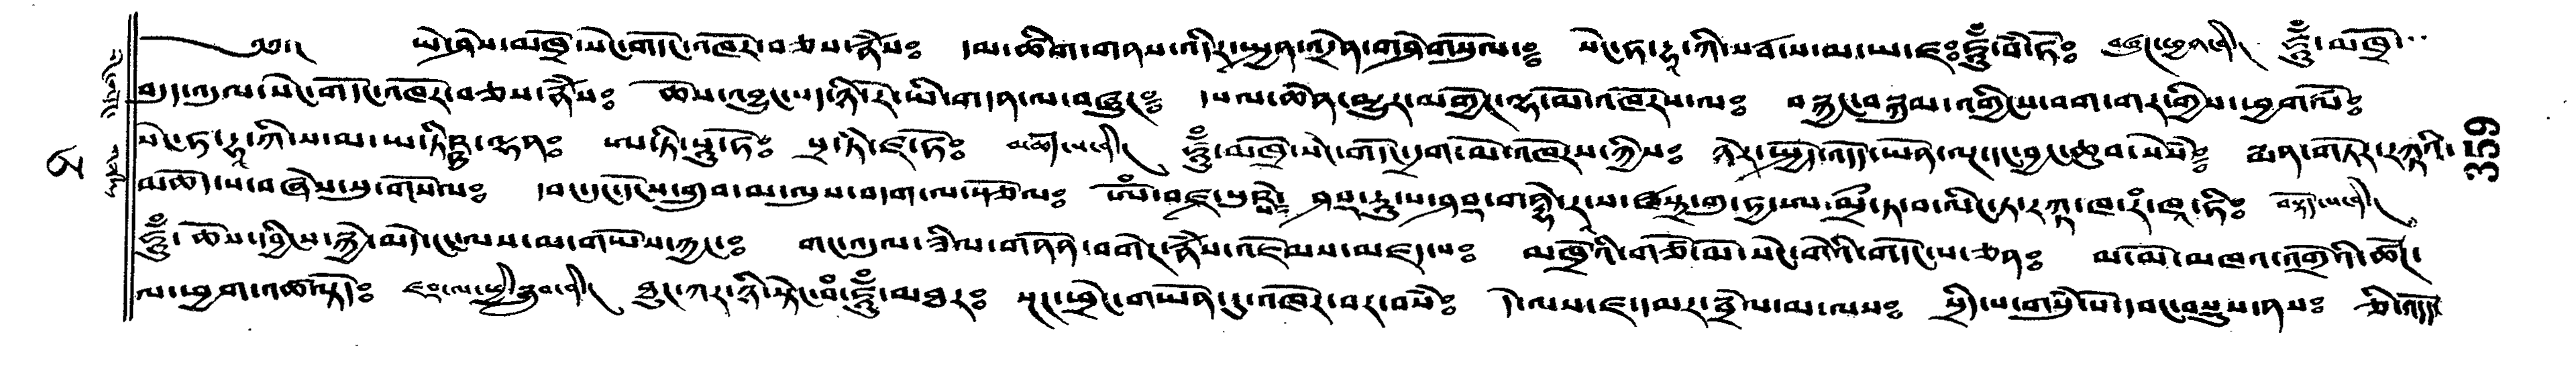ཡེ་ཤེས་མཁའ་འགྲོ་སེང་གདོང་འཁོར་བཅས་རྣམས༔ དམ་ཚིག་གནས་འདིར་སྤྱན་འདྲེན་གཤེགས་སུ་གསོལ༔ སེང་ཧ་དྷཱ་ཀི་སརྦ་ས་མ་ཡ་ཛཿཧཱུྃ་བྃ་ཧོཿ བཞུགས་ཕྱག་ནི། ཧཱུྃ༔མཁའ་འགྲོ་
བདུད་འདུལ་སེང་གདོང་འཁོར་བཅས་རྣམས༔ ཆོས་འབྱུང་པད་ཉི་རོ་ཡི་གདན་ལ་བཞུགས༔ དཔལ་ཆེན་མྱུར་མགྱོགས་ལྷ་མོ་འཁོར་བཅས་ལ༔ བརྐྱང་བསྐུམ་འགྱིང་བག་གར་གྱིས་ཕྱག་འཚལ་ལོ༔ 
སེང་ཧ་དྷཱ་ཀི་ས་མ་ཡ་ཏིཥྛ་ལྷན༔ ཨ་ཏི་པཱུ་ཧོཿ པྲ་ཏི་ཛ་ཧོཿ མཆོད་པ་ནི། ཧཱུྃ༔མཁའ་འགྲོ་སེང་གདོང་དྲག་མོ་འཁོར་བཅས་ཀྱིས༔ ཉེར་སྤྱོད་འདོད་ཡོན་ལྔ་དང་བྱང་ཆུབ་སེམས༔ སྨན་གཏོར་རཀྟའི་
མཆོད་པ་བཞེས་སུ་གསོལ༔ དབང་དང་དངོས་གྲུབ་མ་ལུས་བདག་ལ་སྩོལ༔ ཨོཾ་བཛྲ་པུཥྤེ༴ ཤབྡ་རཱུ་པ་ཤབྡ་གནྡྷེ་རཱ་ས་ཝསྟྲ་གུ་ཧྱ་ཨ་མྲྀ་ཏ་བ་ལིང་ཏ་རཀྟ་ཁ་རཾ་ཁཱ་ཧིཿ བསྟོད་པ་ནི། 
ཧཱུྃ༔ ཆོས་དབྱིངས་སྐྱེ་མེད་ངང་ལས་མ་གཡོས་ཀྱང༔ གང་འདུལ་ཟིལ་གནོན་བགེགས་རྣམས་འཇོམས་མཛད་པ༔ མཁའ་འགྲོའི་གཙོ་མོ་སེང་གེའི་གདོང་པ་ཅན༔ མ་མོ་མཁའ་འགྲོའི་ཚོགས་
ལ་ཕྱག་འཚལ་བསྟོད༔ ཛཔྲ་ལ་ཕྱི་སྒྲུབ་ནི། ཐུགས་ཀར་ཉི་སྟེང་བཾ་ཧཱུྃ་མཐར༔ སྔགས་ཕྲེང་གཡོན་དུ་འཁོར་བར་བསམ༔ དེ་ལས་ཛ་དམར་སྦྲེལ་མ་ལས༔ སྲིད་པ་གསུམ་པོ་དབང་བསྡུས་ནས༔ ཅི་འདོད་